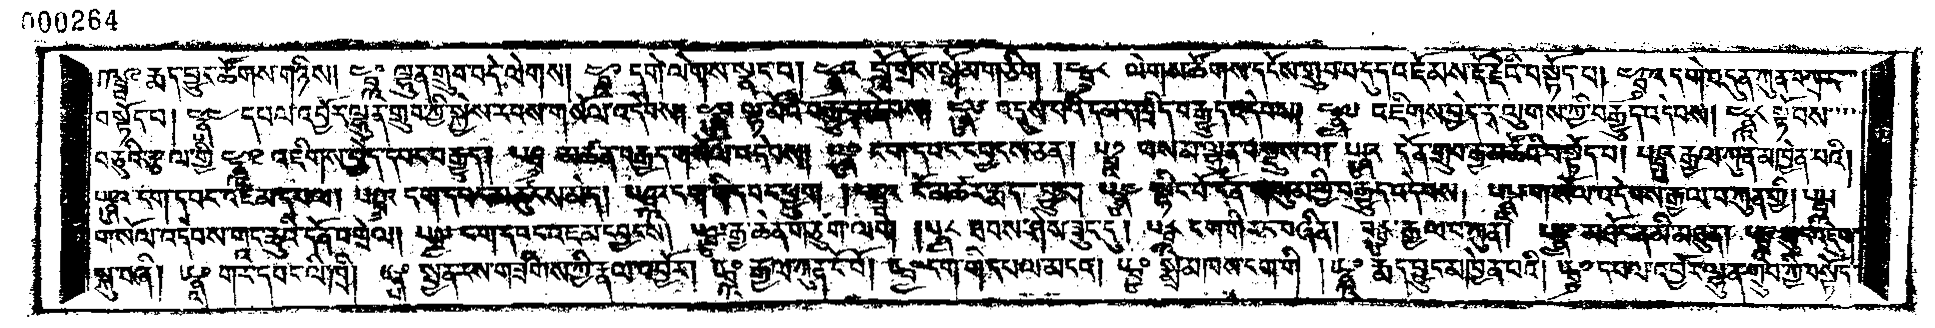༣༩བབ་རྨད་བྱུང་ཚོགས་གཉིས། ༤༠བ༣་ལྷུན་གྲུབ་བདེ་ལེགས། ༤༡བ༢་དགེ་ལེགས་སྣང་བ། ༤༢ན༡་བློ་གྲོས་སྒོམ་གཅིག །༤༨བ༡་ལེགས་ཚོགས་དངོས་གྲུབ་བདུད་འཇོམས་རྡོ་རྗེའི་བསྟོད་པ། ༤༢༢་དགེ་འདུན་ཀུན་བཀྲར་
བསྟོད་པ། ༤༤ན༥་དཔལ་འབྱོར་ལྷུན་གྲུབ་ཀྱི་སྐྱེས་རབས་གསོལ་འདེབས། ༤༥ན༦་ལྷ་མོའི་བརྒྱུད་འདེབས། ༤༦ན༦་འདུས་པའི་དམར་ཁྲིད་བརྒྱུད་འདེབས། ༤༧ན༤་འཇིགས་བྱེད་རྭ་ལུགས་ཀྱི་བརྒྱུད་འདེབས། ༤༨ན༣་སྟོབས་
བཅུའི་རྩལ་གྱི ༤༧ན༣་འཇིགས་བྱེད་དབང་བརྒྱུད། ༤༡བ༡་མཚན་བརྒྱད་གསོལ་འདེབས། ༤༡ན༦་ངག་དབང་དབྱངས་ཅན། ༥༡བ༢་བསམ་ལྷུན་བསྡུས་པ། ༥༢ན༦་དོན་གྲུབ་རྒྱ་མཚོའི་བསྟོད་པ། ༥༢བ༥་རྒྱལ་ཀུན་མཁྱེན་པའི།
༥༣ན༦་ངག་དབང་འཇམ་དཔལ། ༥༣བ༡་ངག་དབང་མཚུངས་མེད། ༥༣བ༣་ངག་གི་དབང་ཕྱུག །༥༣བ་ངོ་མཚར་རྨད་བྱུང་། ༥༤ན༦་སྙིང་པོ་དོན་གསུམ་གྱི་བརྒྱུད་འདེབས། ༥༥ན༢་གསོལ་འདེབས་རྒྱལ་བ་ཀུན་གྱི། ༥༥བ༣
གསོལ་འདེབས་གཱང་ཆུའི་དོན་འགྲེལ། ༥༦་ངག་དབང་འཇམ་དབྱངས། ༥༦་རྒྱ་ཆེན་གཙུག་ལག །༥༨ན༤་ཐབས་ཤེས་ཟུང་དུ། ༥༨བ༣་ངག་གི་རང་བཞིན། ༥༨བ༦་རྒྱལ་བ་ཀུན། ༥༩་མཐོང་ན་མི་མཐུན། ༥༩བ༢་ཟུང་འཇུག་
སྐུ་བཞི། ༦༠ན༢་གར་དབང་ལི་ཁྲི། ༧༠ན༥་སྤྱན་རས་གཟིགས་ཀྱི་རྣལ་འབྱོར། ༦༠བ༣་རྒྱལ་ཀུན་ངོ་བོ། ༦༠བ༤་ངག་གི་དཔལ་མངའ། ༦༠བ༦་སྨྲ་མཁས་ངག་གི །༦༠ན༣་རྨད་བྱུང་མཁྱེན་པའི། ༦༡བ༡་དཔལ་འབྱོར་ལྷུན་གྲུབ་ཀྱི་བསྟོད་